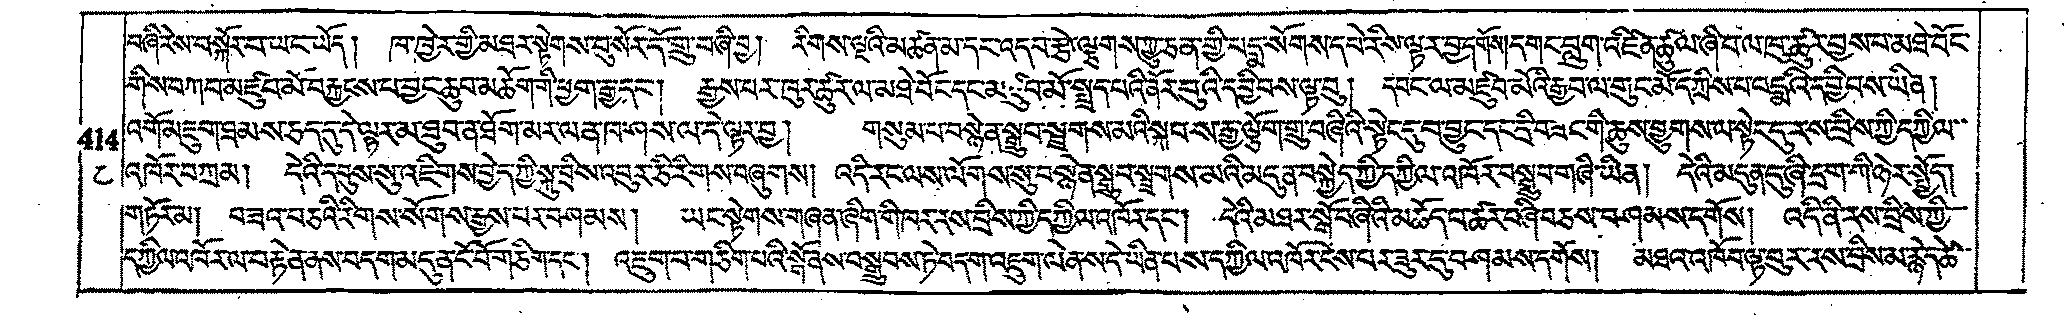བཞི་རེས་བསྐོར་བ་ཡང་ཡོད། ཁ་ཁྱེར་གྱི་མཐར་སྟེགས་བུ་སོར་དོ་གྲུབ་ཞི་བྱ། རིགས་ལྔའི་མཚན་མ་དང་འདབ་རྩེ་ལྕགས་ཀྱུ་ཅན་གྱི་པདམ་སོགས་དཔེ་རིས་ལྟར་བྱ་དགོས། དགང་བླུག་འཛིན་ཚུལ་ཞི་བ་ལ་ཁུ་ཚུར་བྱས་པ་མཐེ་བོང་
གིས་བཀབ་མཛུབ་མོ་བརྐྱངས་པ་བྱང་ཆུབ་མཆོག་གི་ཕྱག་རྒྱ་དང་། རྒྱས་པར་ཁུར་ཚུར་ལ་མཐེ་བོང་དང་མཛུབ་མོ་སྤྲད་པའི་ནོར་བུའི་དབྱིབས་ལྟ་བུ། དབང་ལ་མཛུབ་མོའི་རྒྱབ་ལ་གུང་མོ་དཀྲིས་པ་པདམའི་དབྱིབས་ཡིན།
འགོ་མཇུག་ཐམས་ཅད་དུ་དེ་ལྟར་མ་ཐུབ་ན་ཐོག་མར་ལན་ཁ་ཤས་ལ་དེ་ལྟར་བྱ། གསུམ་པ་བསྙེན་སྒྲུབ་སྦྲགས་མའི་སྐབས་རྒྱ་ལྕོག་གྲུབ་བཞིའི་སྟེང་དུ་བ་བྱུང་དང་དྲི་བཟང་གི་ཆུས་བྱུགས་ལ་སྟེང་དུ་རས་བྲིས་ཀྱི་དཀྱིལ་་་
འཁོར་བཀྲམ། དེའི་དབུས་སུ་འཇིགས་བྱེད་ཀྱི་སྐུ་བྲིས་འབུར་ཅི་རིགས་བཞུགས། འདི་རང་ལས་ལོགས་སུ་བསྙེན་སྒྲུབ་སྦྲགས་མའི་མདུན་བསྐྱེད་ཀྱི་དཀྱིལ་འཁོར་བསྒྲུབ་གཞི་ཡིན། དེའི་མདུན་དུ་ཞི་དྲག་གི་ཉེར་སྤྱོད།
གཏོར་མ། བཟའ་བཅའི་རིགས་སོགས་རྒྱས་པར་བཤམས། ཡང་སྟེགས་གཞན་ཞིག་གི་ཁར་རས་བྲིས་ཀྱི་དཀྱིལ་འཁོར་དང་། དེའི་མཐར་སྒོ་བཞིའི་མཆོད་པ་ཚར་བཞི་བཅས་བཤམས་དགོས། འདི་ནི་རས་བྲིས་ཀྱི་་་
དཀྱིལ་འཁོར་ལ་བརྟེན་ནས་བདག་མདུན་ངོ་བོ་གཅིག་དང་། འཇུག་པ་གཅིག་པའི་སྒོ་ནས་བསྒྲུབས་ཏེ་བདག་འཇུག་ལེན་ས་དེ་ཡིན་པས་དཀྱིལ་འཁོར་ངེས་པར་ཟུར་དུ་བཤམས་དགོས། མཐའ་འཁོབ་ལྟ་བུར་རས་བྲིས་མ་རྙེད་ཚེ་་་